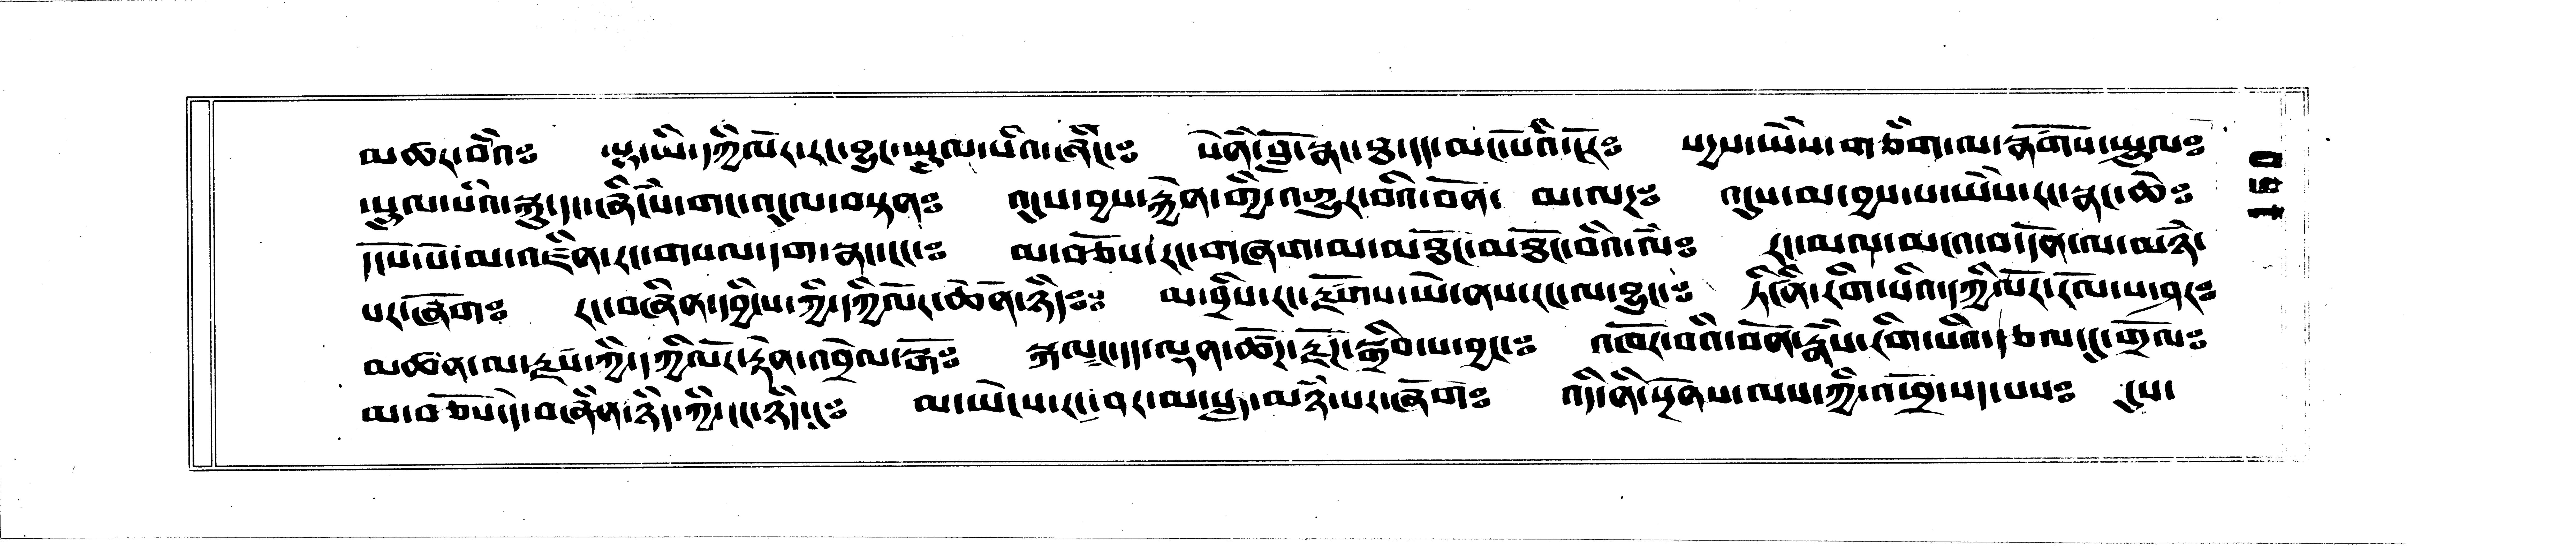མཚར་བའིཿ ལྷ་ཡི་དཀྱིལ་འཁོར་རང་བྱུང་སྤྲུལ་པའི་ཞིངཿ སེམས་ཅན་བློ་སྣང་ཐ་དད་མང་པོའི་ངོརཿ སངས་རྒྱས་ཡེི་ཤེས་གཅིག་ལ་སྣ་ཚོགས་སྤྲུལཿ 
སྤྲུལ་པའི་སྐུ་དང་ཞིང་ཁམས་གང་འདུལ་བསྟནཿ འདུས་བྱས་རྐྱེན་གྱིས་འགྱུར་བའི་བོན་མ་ལགསཿ འདུས་མ་བྱས་པ་ཡེ་ཤེས་རང་སྣང་ཆེཿ 
དངོས་པོ་མ་འཛིན་རང་གསལ་དག་སྣང་ངངཿ མ་བཅོས་རང་བཞག་མ་མཐོང་མཐོང་བའི་ལམཿ རང་མལ་མངའ་བ་དོན་ལ་མཉམ་
པར་ཞོགཿ རང་བཞིན་དབྱིངས་ཀྱི་དཀྱིལ་འཁོར་ཆེན་པོ་ཉིདཿ མ་བྲིས་རང་རྫོགས་ཡེ་ནས་རང་ལ་འབྱུངཿ ཏིང་འཛིན་རིག་པའི་དཀྱིལ་འཁོར་རོལ་པ་ཤརཿ 
མཚན་མ་རྫས་ཀྱི་དཀྱིལ་འཁོར་རྟེན་འབྲེལ་སྒོཿ སྐལ་བཟང་དད་ལྡན་ཚོགས་རྫོགས་སྒྲིབ་པ་བྱངཿ འཁོར་བའི་བོན་རྣམས་རིག་པའི་རྩལ་དུ་གྲོལཿ 
མ་བཅོས་དེ་བཞིན་ཉིད་ཀྱི་ངང་ཉིད་དུཿ མ་ཡེངས་རང་ཤར་མ་བསླད་མཉམ་པར་ཞོགཿ འདི་ནི་སྔོན་ནས་ལས་ཀྱི་འཕྲོ་སད་པསཿ དུས་